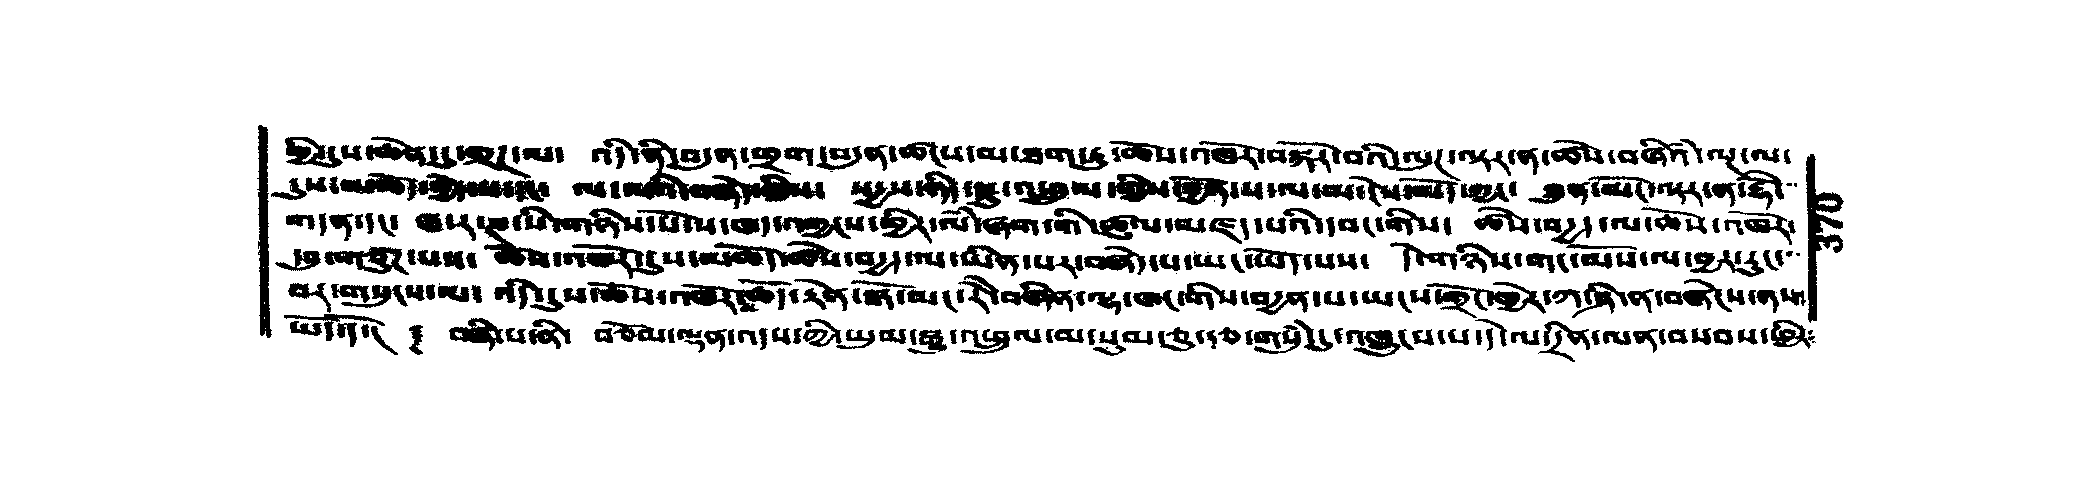གྱི་དུས་ཆེན་དུ་གྲགས་ལ། འདི་ནི་བདུན་ཕྲག་བདུན་ཚང་མ་ཐག་ཏུ་ཆོས་འཁོར་བསྐོར་བའི་ལུགས་ལྟར་ན་ཚེས་བཞིའམ་ལྔ་ལ་
དུས་མཆོད་བྱེད་པ་དང་། ལ་ལའི་བཞེད་ཀྱིས། སངས་རྒྱས་ཉིད་རྫུ་འཕྲུལ་གྱིས་བྱོན་པ་ལ་མ་ངེས་མོད་ཀྱང་། ཐུན་མོང་ལྟར་ན་རྡོ་རྗེ་
གདན་དང་། ཝ་ར་ཎ་སི་གཉིས་པོ་ས་ཁད་འགྱངས་ཕྱིར་ལམ་ཞག་གི་ཚུལ་མཛད་པའི་དབང་གིས། ཚེས་བརྒྱད་ལ་ཆོས་འཁོར་
དབུ་གཙུགས་པས། ཆོས་འཁོར་དུས་མཆོད་ཚེས་བརྒྱད་ལ་ཡིན་པར་བཞེད་པ་ཡང་ཡོད་པས། དེ་གཉིས་གང་མོས་ལ་བྱར་རུང་
བར་གསུངས་ལ། འདི་དུས་ཆོས་འཁོར་མཆོད་རྟེན་སྒོ་མང་རེ་རེ་བཞིན་ལྷ་ཁང་གིས་བརྒྱན་པ་ཡང་གྲོང་ཁྱེར་ཀཱ་ཤི་ན་བཞེངས་ནས་
ཡོད་དོ།། ༈ བཞི་པ་ནི། བཅོམ་ལྡན་འདས་ཀྱི་ཡུམ་སྒྱུ་འཕྲུལ་མ་སུམ་ཅུ་རྩ་གསུམ་དུ་འཁྲུངས་པ་དེ་ལ་དྲིན་ལན་བསབ་ཕྱིར་